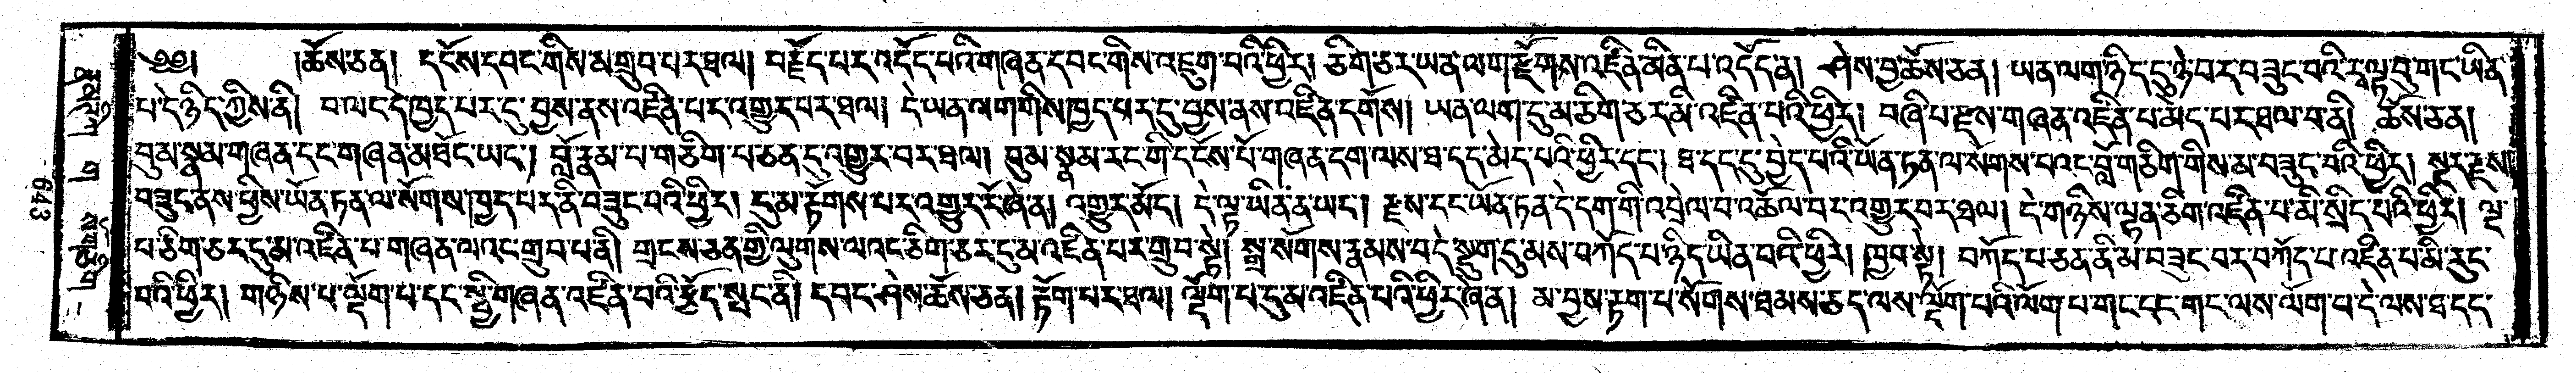༄༅། །ཆོས་ཅན། དངོས་དབང་གིས་མ་གྲུབ་པར་ཐལ། བརྗོད་པར་འདོད་པའི་གཞན་དབང་གིས་འཇུག་བའི་ཕྱིར། ཅིག་ཅར་ཡན་ལག་རྫོགས་འཛིན་མིན་པ་འདོད་ན། ཤེས་བྱ་ཆོས་ཅན། ཡན་ལག་ཉིད་དུ་ཉེ་བར་བཟུང་བའི་རྭ་ལྟ་བུ་གང་ཡིན་
པ་དེ་ཉིད་ཀྱིས་ནི། བ་ལང་དེ་ཁྱད་པར་དུ་བྱས་ནས་འཛིན་པར་འགྱུར་བར་ཐལ། དེ་ཡན་ལག་གིས་ཁྱད་པར་དུ་བྱས་ནས་འཛིན་དགོས། ཡན་ལག་དུ་མ་ཅིག་ཅར་མི་འཛིན་པའི་ཕྱིར། བཞི་པ་རྫས་གཞན་འཛིན་པ་མེད་པར་ཐལ་བ་ནི། ཆོས་ཅན།
བུམ་སྣམ་གཞན་དང་གཞན་མཐོང་ཡང་། བློ་རྣམ་པ་གཅིག་པ་ཅན་དུ་འགྱུར་བར་ཐལ། བུམ་སྣམ་རང་གི་དངོས་པོ་གཞན་དག་ལས་ཐ་དད་མེད་པའི་ཕྱིར་དང་། ཐ་དད་དུ་བྱེད་པའི་ཡོན་ཏན་ལ་སོགས་པའང་བློ་གཅིག་གིས་མ་བཟུང་བའི་ཕྱིར། སྔར་རྫས།
བཟུང་ནས་ཕྱིས་ཡོན་ཏན་ལ་སོགས་ཁྱད་པར་ནི་བཟུང་བའི་ཕྱིར། དུ་མ་རྟོགས་པར་འགྱུར་རོ་ཞེ་ན། འགྱུར་མོད། དེ་ལྟ་ཡིན་ན་ཡང་། རྫས་དང་ཡོན་ཏན་དེ་དག་གི་འབྲེལ་བ་འཆོལ་བར་འགྱུར་བར་ཐལ། དེ་གཉིས་ལྷན་ཅིག་འཛིན་པ་མི་སྲིད་པའི་ཕྱིར། ལྔ་
པ་ཅིག་ཅར་དུ་མ་འཛིན་པ་གཞན་ལའང་གྲུབ་པ་ནི། གྲངས་ཅན་གྱི་ལུགས་ལའང་ཅིག་ཅར་དུ་མ་འཛིན་པར་གྲུབ་སྟེ། སྒྲ་སོགས་རྣམས་བདེ་སྡུག་དུ་མས་བཀོད་པ་ཉིད་ཡིན་བའི་ཕྱིར། ཁྱབ་སྟེ། བཀོད་པ་ཅན་ནི་མ་བཟུང་བར་བཀོད་པ་འཛིན་པ་མི་རུང་
བའི་ཕྱིར། གཉིས་པ་ལྡོག་པ་དང་སྦྱི་གཞན་འཛིན་བའི་རྩོད་སྤང་ནི། དབང་ཤེས་ཆོས་ཅན། རྟོག་པར་ཐལ། ལྡོག་པ་དུ་མ་འཛིན་པའི་ཕྱིར་ཞེ་ན། མ་བྱས་རྟག་པ་སོགས་ཐམས་ཅད་ལས་ལྡོག་པའི་ལོག་པ་གང་དང་གང་ལས་ལོག་པ་དེ་ལས་ཐ་དད་